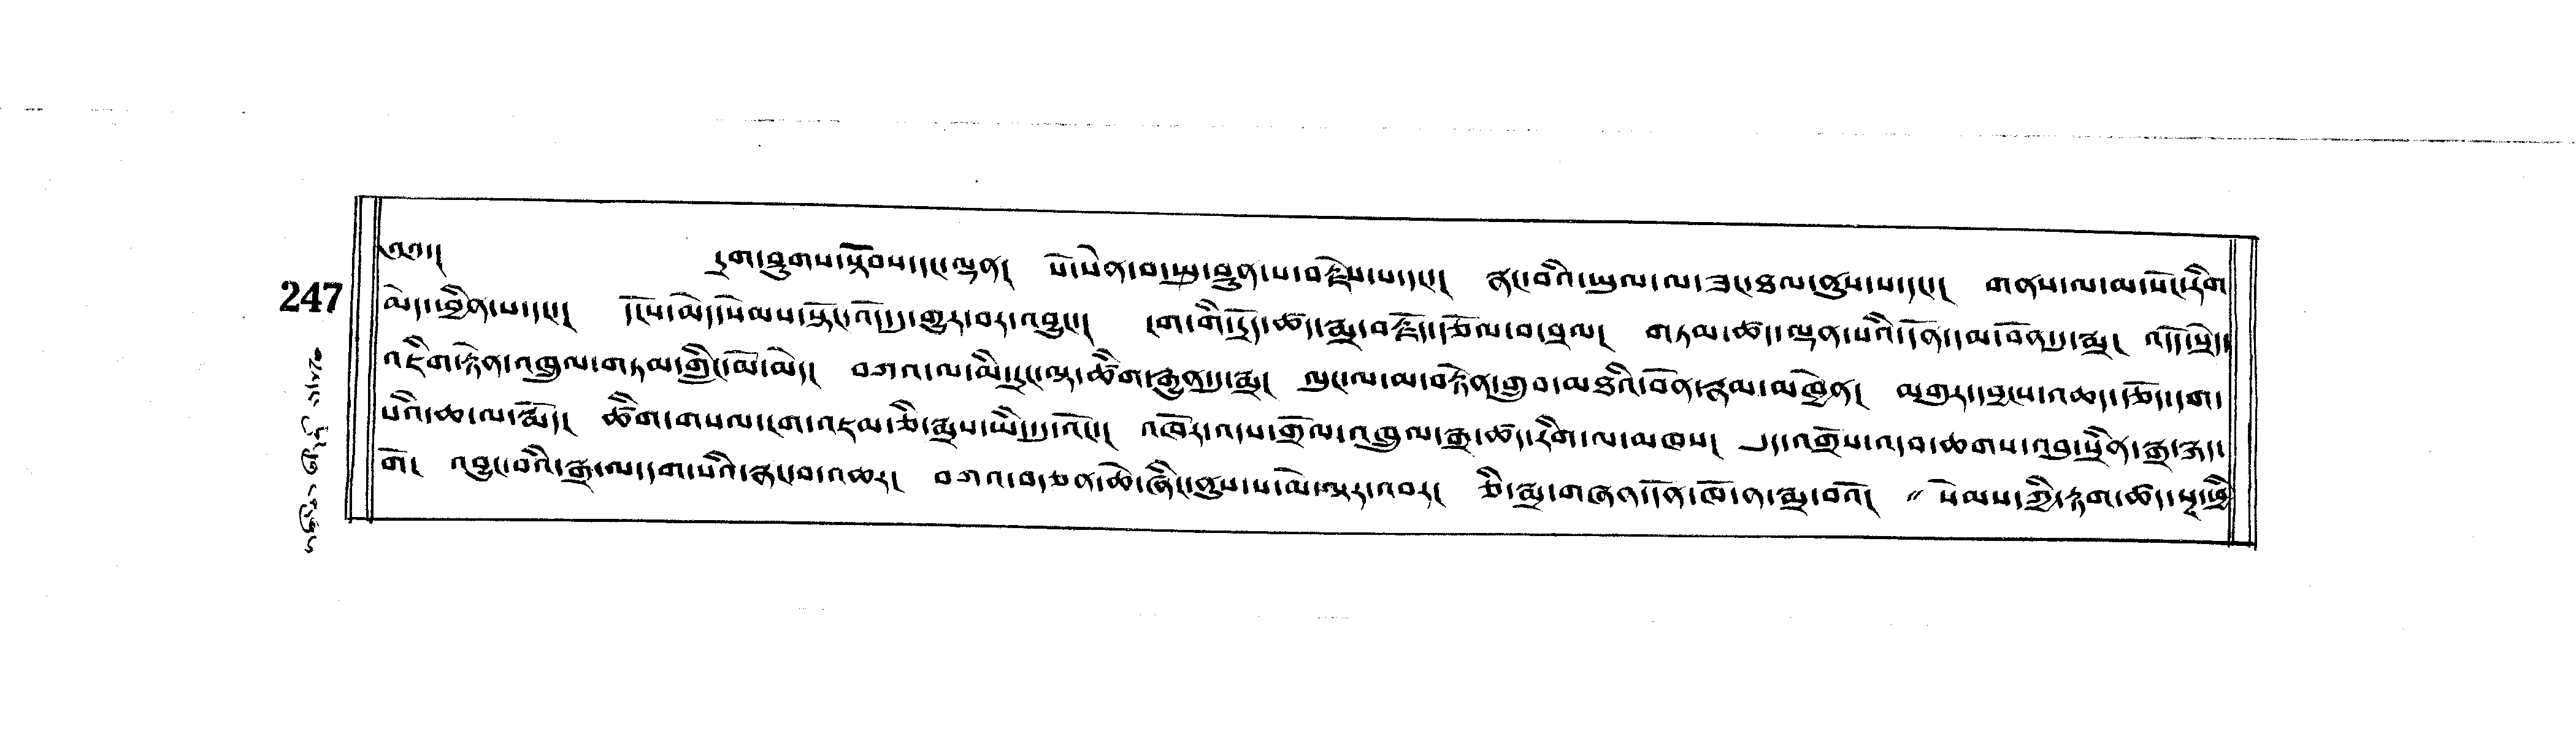དྲག་ཤུགས་སྟོབས་དང་ལྡན། སོ་སེན་བ་སྤུ་ཤུན་པ་བརྗེས་པ་དང་། སྣང་བའི་ཡུལ་ལ་ཟང་ཐལ་ནུས་པ་དང་། གནས་ལ་མ་སོང་རིག་
མེད་ཕྱིན་པ་དང་། དངོས་མེད་སེམས་སྟོང་འོད་དུ་གྱུར་པར་འབྱུང་། ངག་གི་དྲོད་ཚད་སྨྲ་བརྗོད་རྩོལ་བ་བྲལ། གཏམ་ཚད་ལྡན་པའི་དོན་དམ་བོན་དུ་སྨྲ། འདོད་སྲེད་
འཇིག་རྟེན་འཁྲུལ་གཏམ་གླེང་མོ་མེད། བཀའ་ལ་མི་དྲང་ལྟ་ཚིག་རྒྱུན་དུ་སྨྲ། ལུང་ལ་མ་བརྟེན་གྲུབ་མཐའི་བོན་རྣམས་མཁྱེན། མགུར་དབྱངས་འཆད་རྩོད་དག་
པའི་ཆ་ལ་སྨོད། ཚིག་གསལ་ངག་འཇམ་ཅི་སྨྲས་ཡིད་དུ་འོང་། འཁོར་འདས་གྲོལ་འཁྲུལ་སྒྲ་ཚད་རིགས་ལ་མཁས། དུད་འགྲོས་འདབ་ཆགས་འབུ་སྲིན་སྒྲ་སྐད་
གོ། འབྱུང་བའི་སྒྲ་ལ་དག་པའི་སྣང་བ་འཆར། བཀའ་བཙན་ཆེ་ཞིང་ནུས་པ་མེ་ལྟར་འབར། ཅི་སྨྲ་གཞན་དོན་ཁོ་ན་སྨྲ་བའོ། ༧ སེམས་ཀྱི་རྟགས་ཚད་སྔ་ཕྱི་